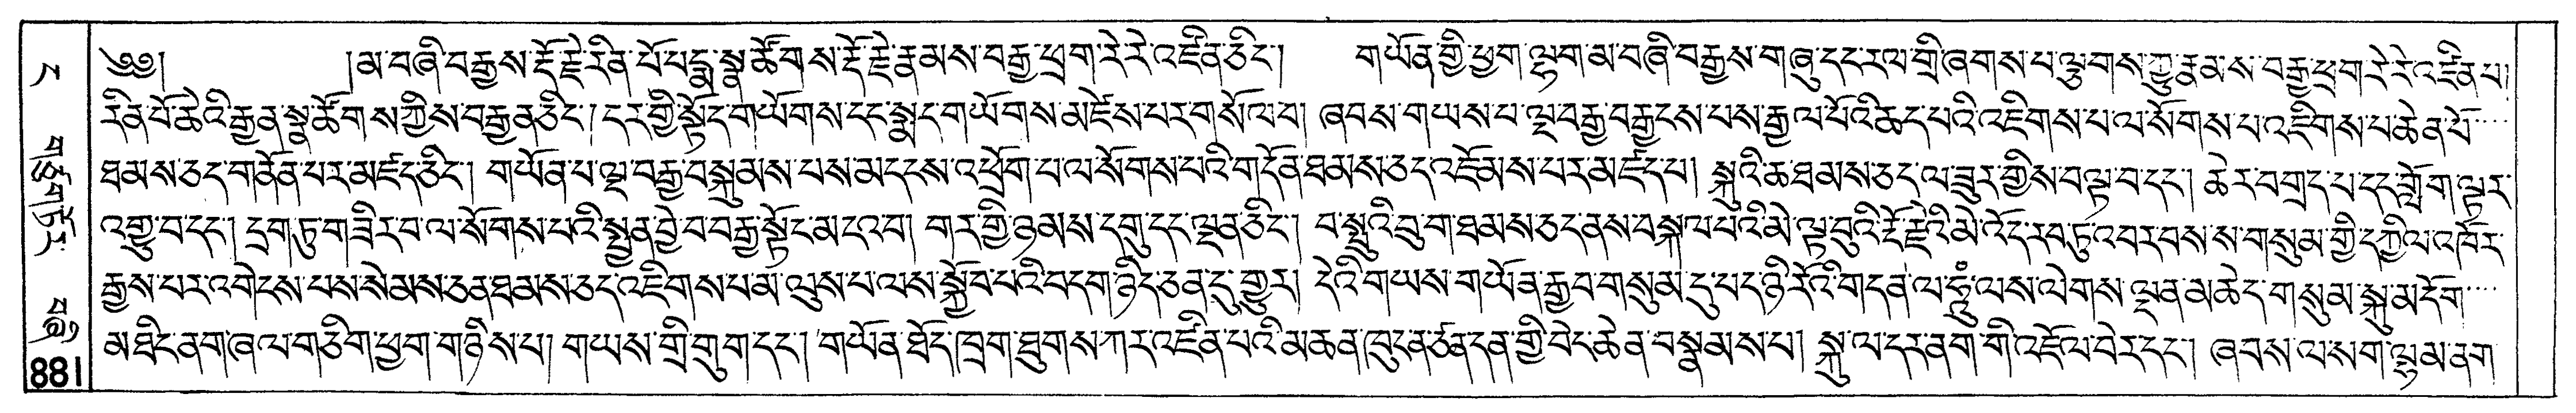༄༅། །མ་བཞི་བརྒྱས་རྡོ་རྗེ་རིན་པོ་པདམ་སྣ་ཚོགས་རྡོ་རྗེ་རྣམས་བརྒྱ་ཕྲག་རེ་རེ་འཛིན་ཅིང་། གཡོན་གྱི་ཕྱག་ལྷག་མ་བཞི་བརྒྱས་གཞུ་དང་རལ་གྲི་ཞགས་པ་ལྕགས་ཀྱུ་རྣམས་བརྒྱ་ཕྲག་རེ་རེ་འཛིན་པ།
རིན་པོ་ཆེའི་རྒྱན་སྣ་ཚོགས་ཀྱིས་བརྒྱན་ཅིང་། དར་གྱི་སྟོད་གཡོགས་དང་སྨད་གཡོགས་མཛེས་པར་གསོལ་བ། ཞབས་གཡས་པ་ལྔ་བརྒྱ་བརྒྱངས་པས་རྒྱལ་པོའི་ཆད་པའི་འཇིགས་པ་ལ་སོགས་པ་འཇིགས་པ་ཆེན་པོ་
ཐམས་ཅད་གནོན་པར་མཛད་ཅིང་། གཡོན་པ་ལྔ་བརྒྱ་བསྐུམས་པས་མདངས་འཕྲོག་པ་ལ་སོགས་པའི་གདོན་ཐམས་ཅད་འཇོམས་པར་མཛད་པ། སྐུའི་ཆ་ཐམས་ཅད་ལ་ཟུར་གྱིས་བལྟ་བ་དང་། ཆེར་བགྲད་པ་དང་གློག་ལྟར་
འགྱུ་བ་དང་། དྲག་ཏུ་གཟིར་བ་ལ་སོགས་པའི་སྤྱན་བྱེ་བ་བརྒྱ་སྟོང་མངའ་བ། གར་གྱི་ཉམས་དགུ་དང་ལྡན་ཅིང་། བ་སྤུའི་བུ་ག་ཐམས་ཅད་ནས་བསྐལ་པའི་མེ་ལྟ་བུའི་རྡོ་རྗེའི་མེ་འོད་རབ་ཏུ་འབར་བས་ས་གསུམ་གྱི་དཀྱིལ་འཁོར་
རྒྱས་པར་འགེངས་པས་སེམས་ཅན་ཐམས་ཅད་འཇིགས་པ་མ་ལུས་པ་ལས་སྐྱོབ་པའི་བདག་ཉིད་ཅན་དུ་གྱུར། དེའི་གཡས་གཡོན་རྒྱབ་གསུམ་དུ་པད་ཉི་རོའི་གདན་ལ་ཧཱུཾ་ལས་ལེགས་ལྡན་མཆེད་གསུམ་སྐུ་མདོག་
མཐིང་ནག་ཞལ་གཅིག་ཕྱག་གཉིས་པ། གཡས་གྲི་གུག་དང་། གཡོན་ཐོད་ཁྲག་ཐུགས་ཀར་འཛིན་པའི་མཆན་ཁུང་ན་ཙན་དན་གྱི་བེང་ཆེན་བསྣམས་པ། སྐུ་ལ་དར་ནག་གི་འཇོལ་བེར་དང་། ཞབས་ལ་སག་ལྷམ་ནག་